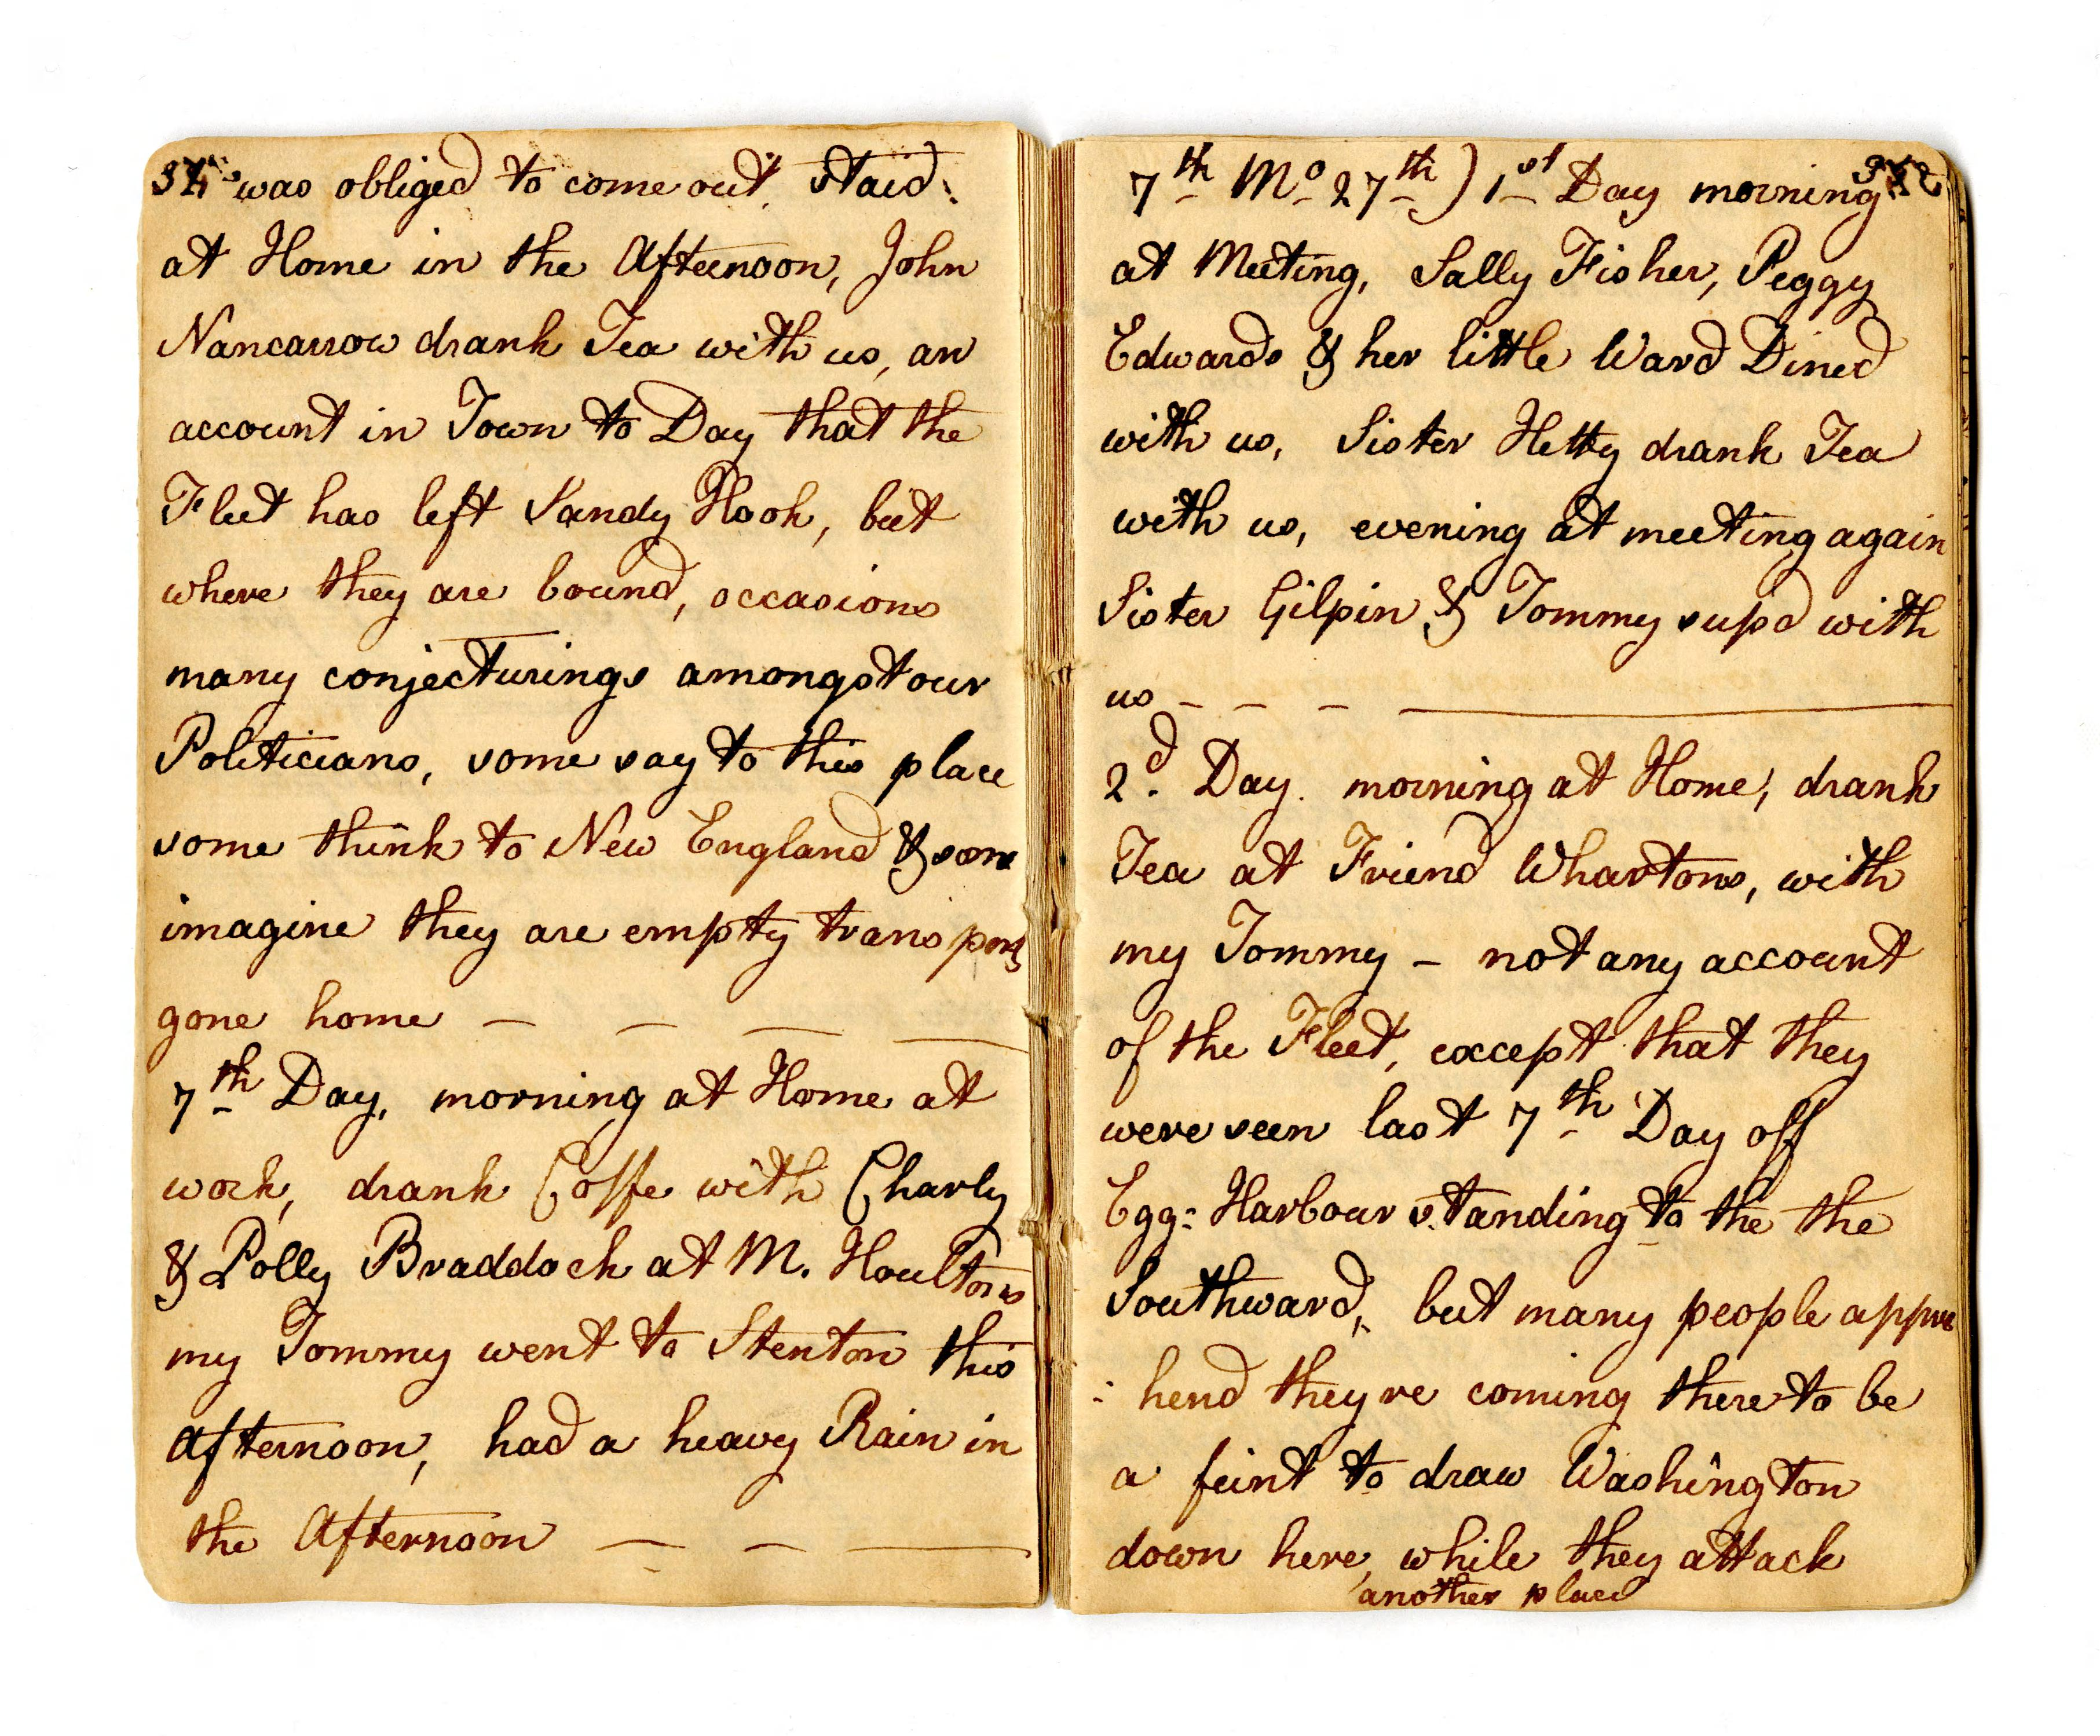was obliged to come out staid
at Home in the Afternoon, John
Nancarrow drank Tea with us, an
account in Town to Day that the
Fleet has left Sandy Hook, but
where they are bound, occasions
many conjecturings amongst our
Politicians, some say to this place
some think to New England & some
imagine they are empty transport
gone home-
7^th Day, morning at Home at
work, drank Coffe with Charly
& Polly Braddock at M. Houltons
my Tommy went to Stenton this
Afternoon, had a heavy Rain in
the Afternoon--
7^th M^o 27^th ) 1^st Day
at Meeting, Sally Fisher, Peggy
Edwards & her little Ward Dined
with us, Sister Hetty drank Tea
with us, evening at meeting again
Sister Gilpin & Tommy supd with
us--
2^d Day. morning at Home, drank
Tea at Friend Whartons, with
my Tommy- not any account
of the Fleet, except that they
were seen last 7^th Day off
Egg-Harbour standing to the the
Southward, but many people appre
-hend they re coming there to be
a feint to draw Washington
down here, while they attack
another place